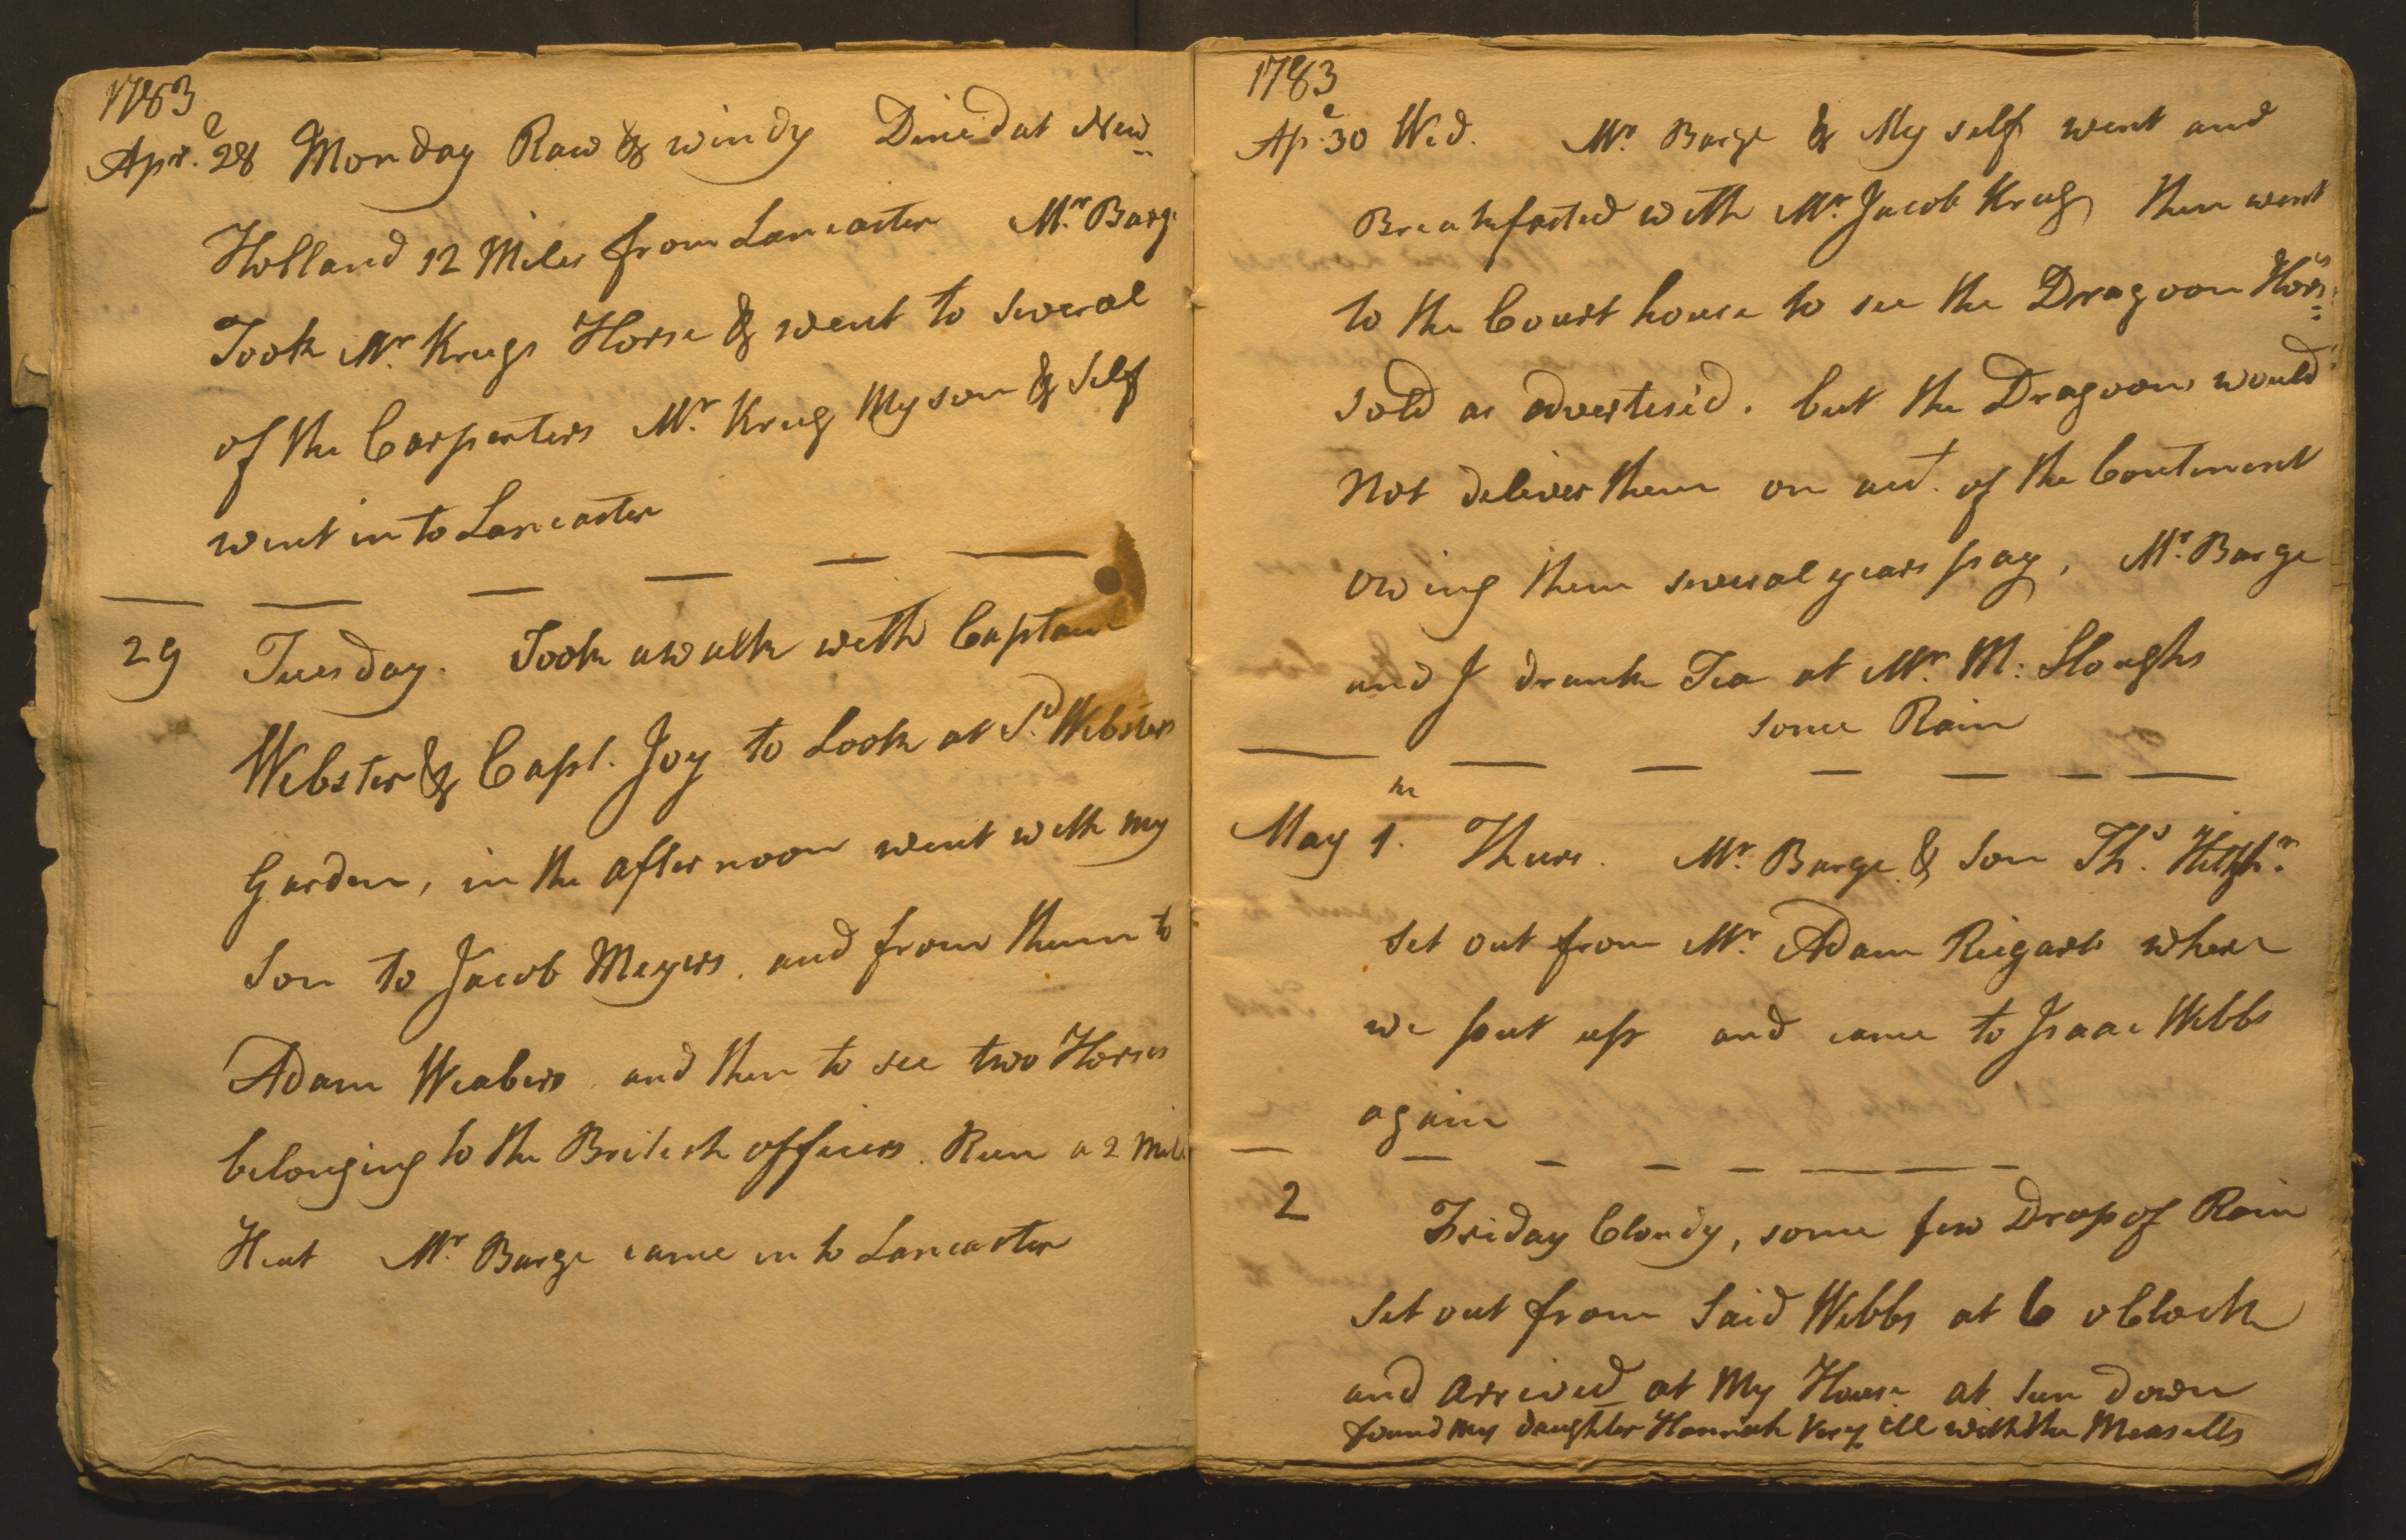1783
Apr^l. 28 Monday Raw & windy Dine'd at New
Holland 12 Miles from Lancaster M^r. Barge
Took M^r. Krugs Horse & went to several
of the Carpenters M^r. Krug My son & self
went in to Lancaster
29 Tuesday. Took a walk with Captain
Webster & Capt. Joy to Look at s^d. Websters
Garden, in the afternoon went with my
Son to Jacob Meyers, and from thence to
Adam Weabers, and then to see two Horses
belonging to the British officers. Run a 2 Mile
Heat M^r. Barge came in to Lancarter
1783
Ap^l 30 Wed. M^r. Barge & My self went and
Breakfasted with M^r. Jacob Krug then went
to the Court house to see the Dragoon Hors^es
sold as advestised. but the Dragoons would
Not deliver them on acc^t. of the Continent
owing them several years pay, M^r. Barge
and I drank Tea at M^r. M. Sloughs
some Rain
May 1^th. Thurs. M^r. Barge & Son Th^s. Hiltzh^r.
set out from M^r. Adam Reigarb wher
we put up and came to Isaac Webbs
again
2 Friday Cloudy, some few Drop of Rain
set out from Said Webbs at 6 oClock
and arrived at My House at sun down
found my daughter Hannah Very ill with the Measells